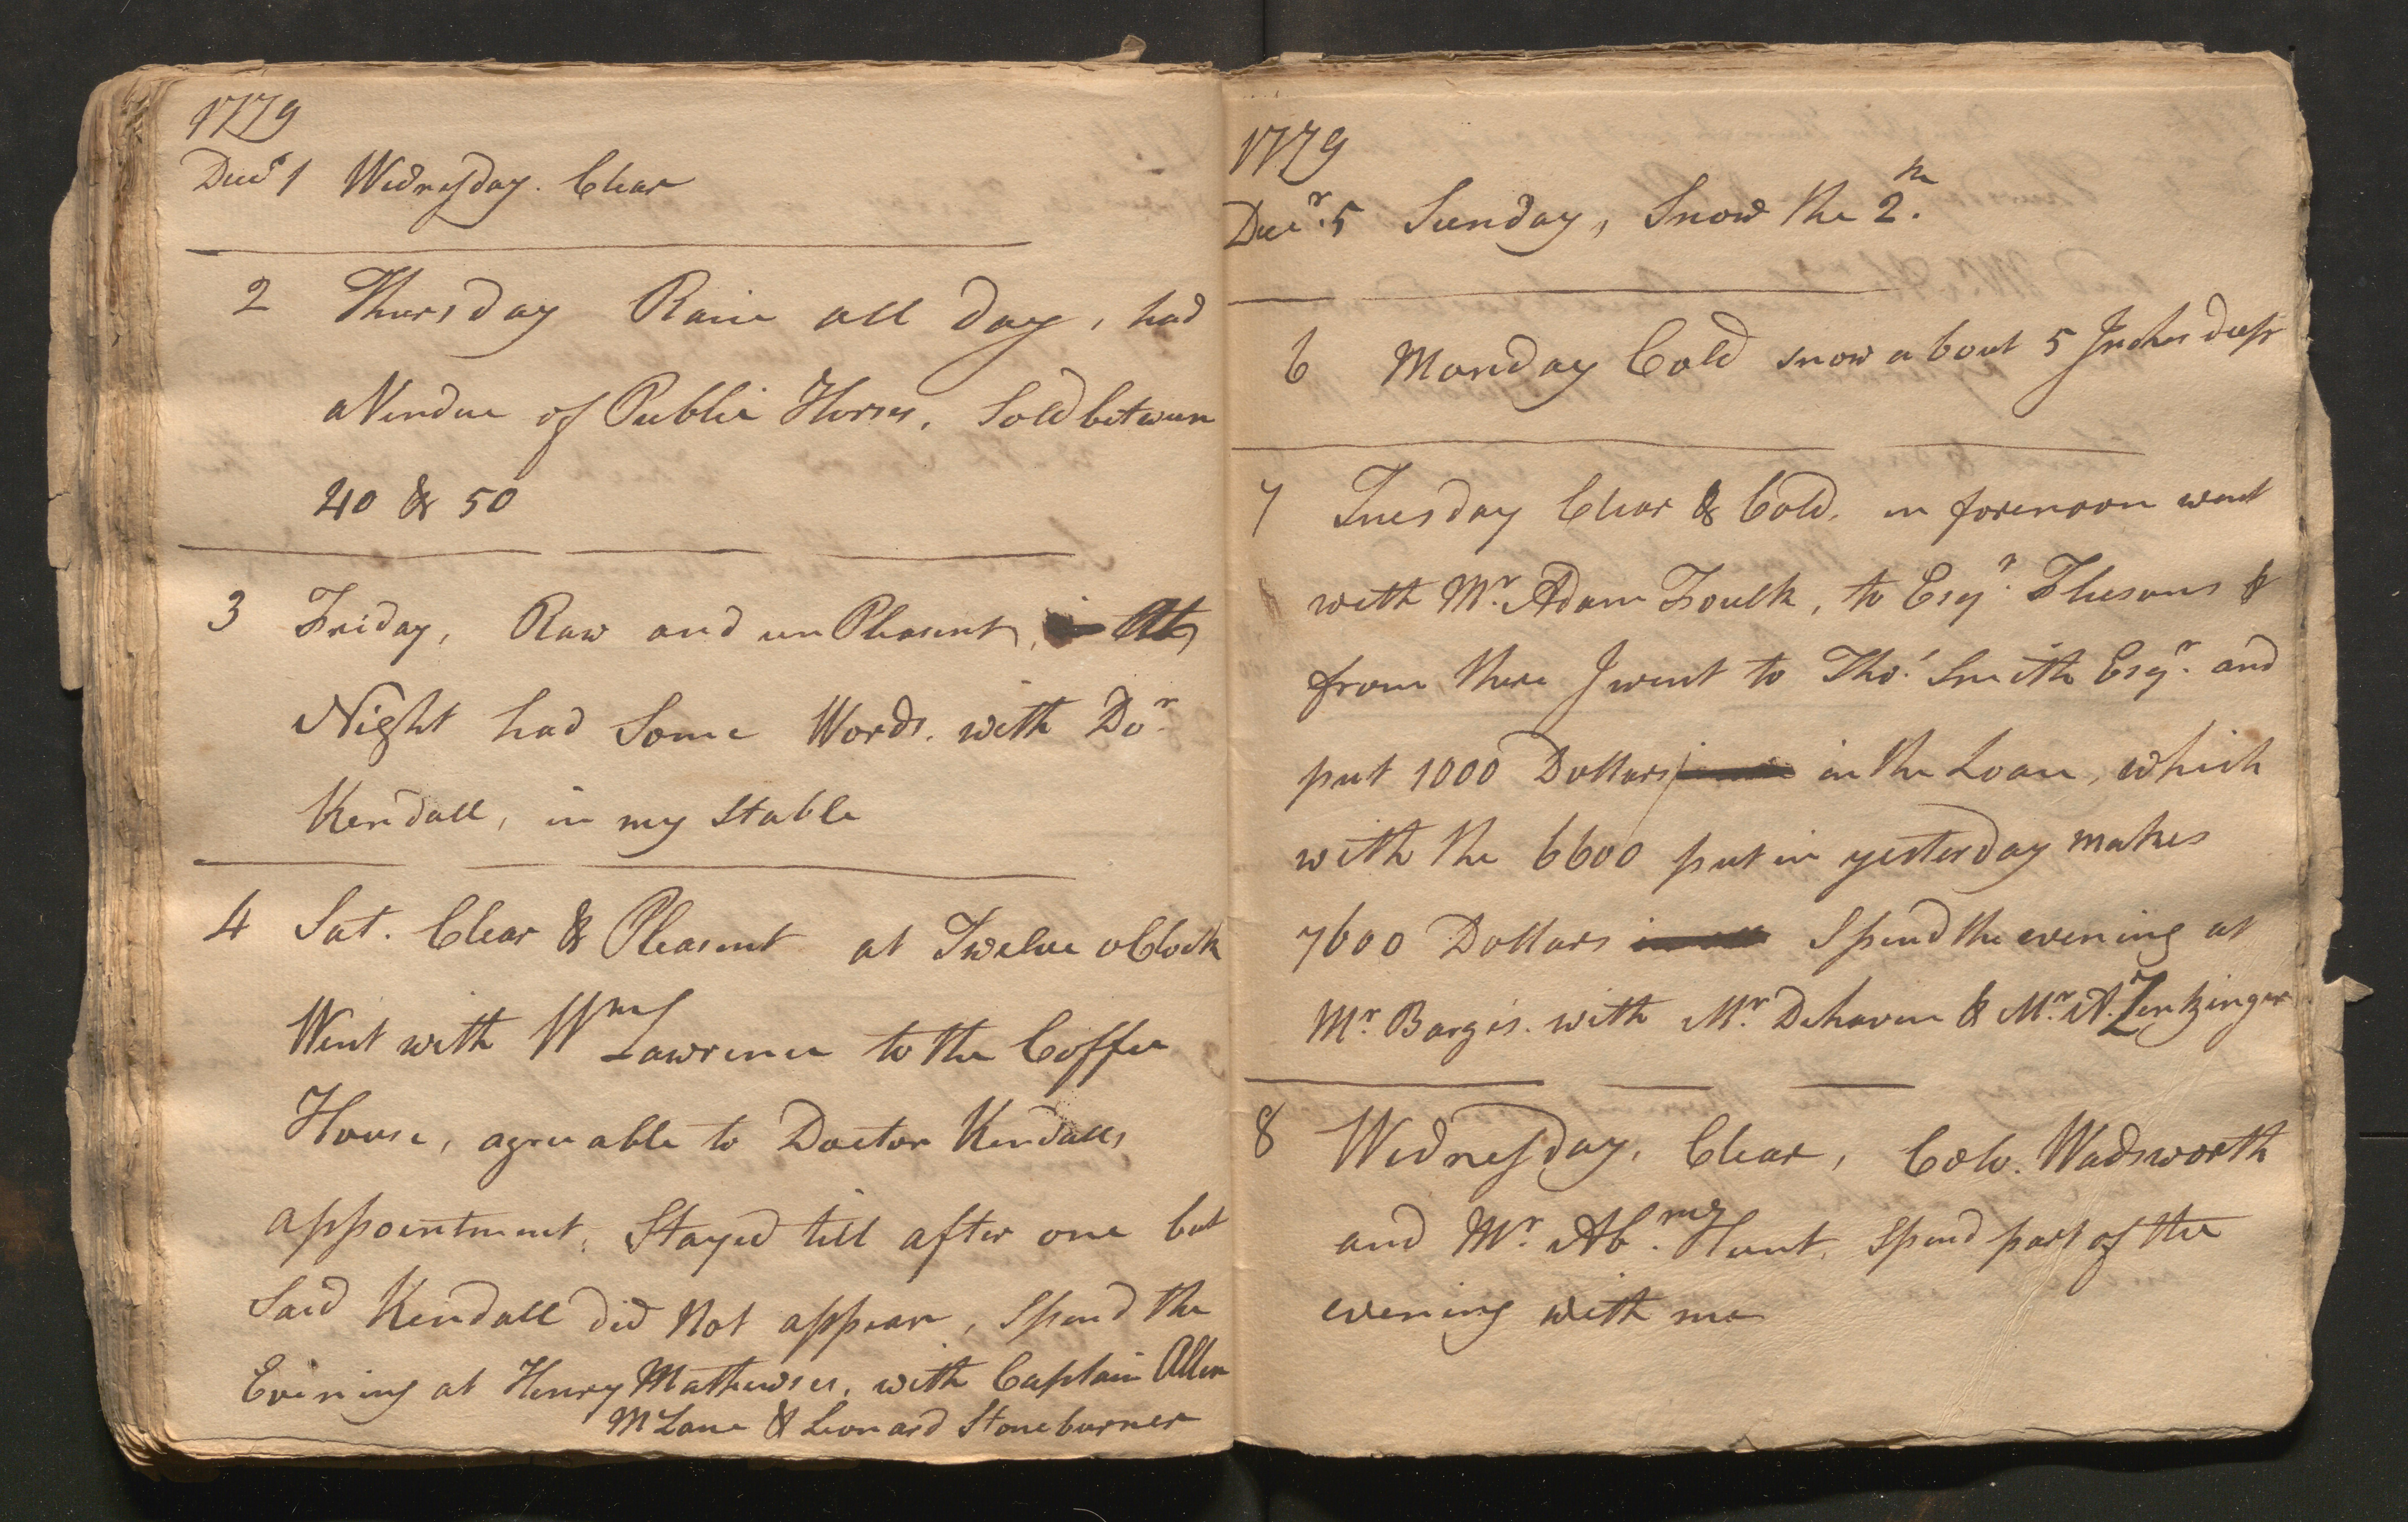1779
Dec^r Wednesday. Clear
2 Thursday Rain all day, had
a Vendue of Public Horses. Sold between
40 & 50
3 Friday, Raw and unPleasent, [__] At
Night had Some Words with Do^r.
Kendall, in my stable
4 Sat. Clear & Pleasent at Twelve oClock
Wint with W^m Lawrence to the Coffer
House, agreeable to Doctor Kendalls
appointment. Stayed till after one but
Said Kendall did Not appear, Spend the
Evening at Henry Mathewses, with Captain Allen
M^r Lane & Leonard Stoneburner
1779
Dec^r. 5 Sunday, Snow the 2^th.
6 Monday Cold snow about 5 Inches deep
7 Tuesday Clear & Cold. in forenoon went
with M^r. Adam Foulk, to Esq^r. Thesures &
from there I went to Tho^s. Smith Esq^r. and
put 1000 Dollars [_____] in the Loan, which
with the 6000 put in yesterday makes
7600 Dollars [_____] Spend the evening at
M^r Barge's with M^r. Dehavan & M^r. A Zentzinger
8 Wednesday. Clear, Colo. Wadsworth
and M^r. Ab^m. Hunt spend part of the
evenng with me